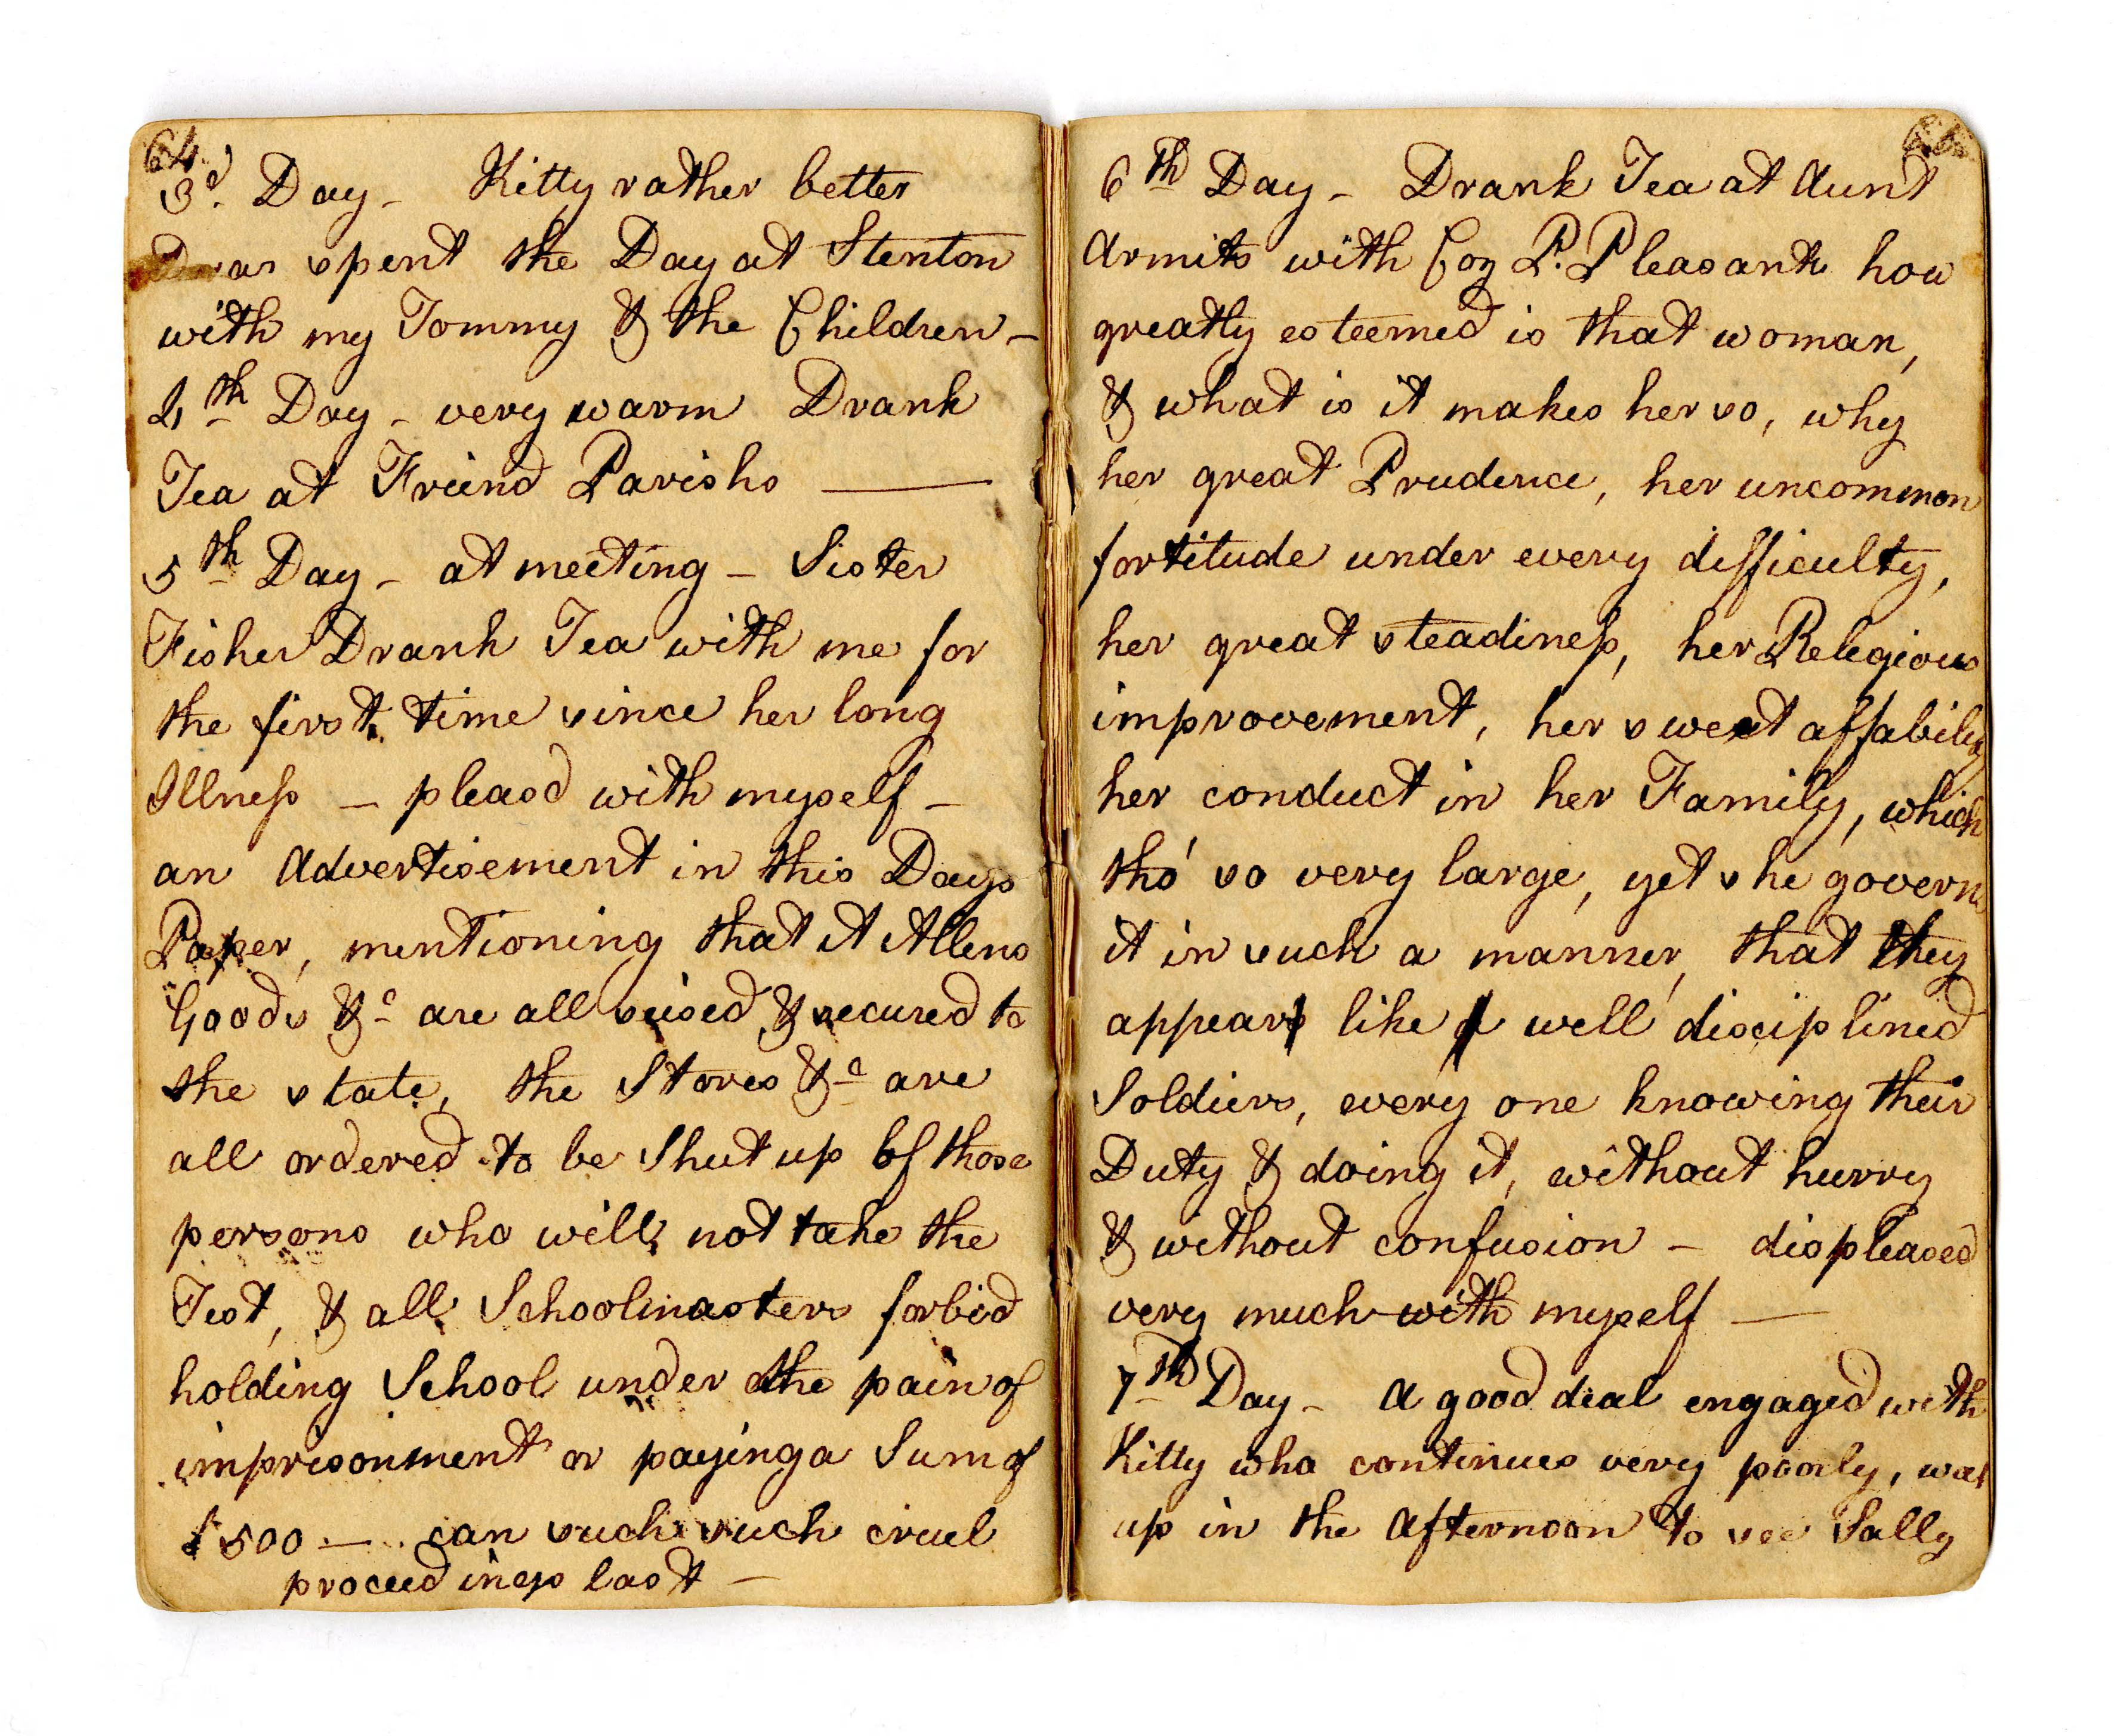64
3^d Day- Kitty rather better
Dran spent the Day at Stenton
with my Tommy & the Children-
4^th Day- very warm, Drank
Tea at Friend Parishs-
5^th Day- at meeting- Sister
Fisher Drank Tea with me for
the first time since her long
Illness- pleasd with myself-
an Advertisement in this Days
Paper, mentioning that it Allens
Goods &^c are all seised & secured to
the state, the Stores &^c are
all ordered to be shut up of those
persons who will not take the
Test, & all Schoolmasters forbid
holding School under the pain of
imprisonment or paying a Sum of
£500- can such such cruel
proceed inep last
65
6^th Day- Drank Tea at Aunt
Armits with Coz P. Pleasants how
greatly esteemed is that woman,
& what is it makes her so, why
her great Prudence, her uncommon
fortitude under every difficuilty,
her great steadiness, her Religious
improvement, her sweet affability
her conduct in her Family, which
tho' so very large, yet she govern
it in such a manner that they
appears like a well disciplined
Soldiers, every one knowing their
Duty & doing it, without hurry
& without confusion- displeased
very much with myself-
7^th Day- a good deal engaged with
Kitty who continues very poorly, was
up in the Afternoon to see Sally